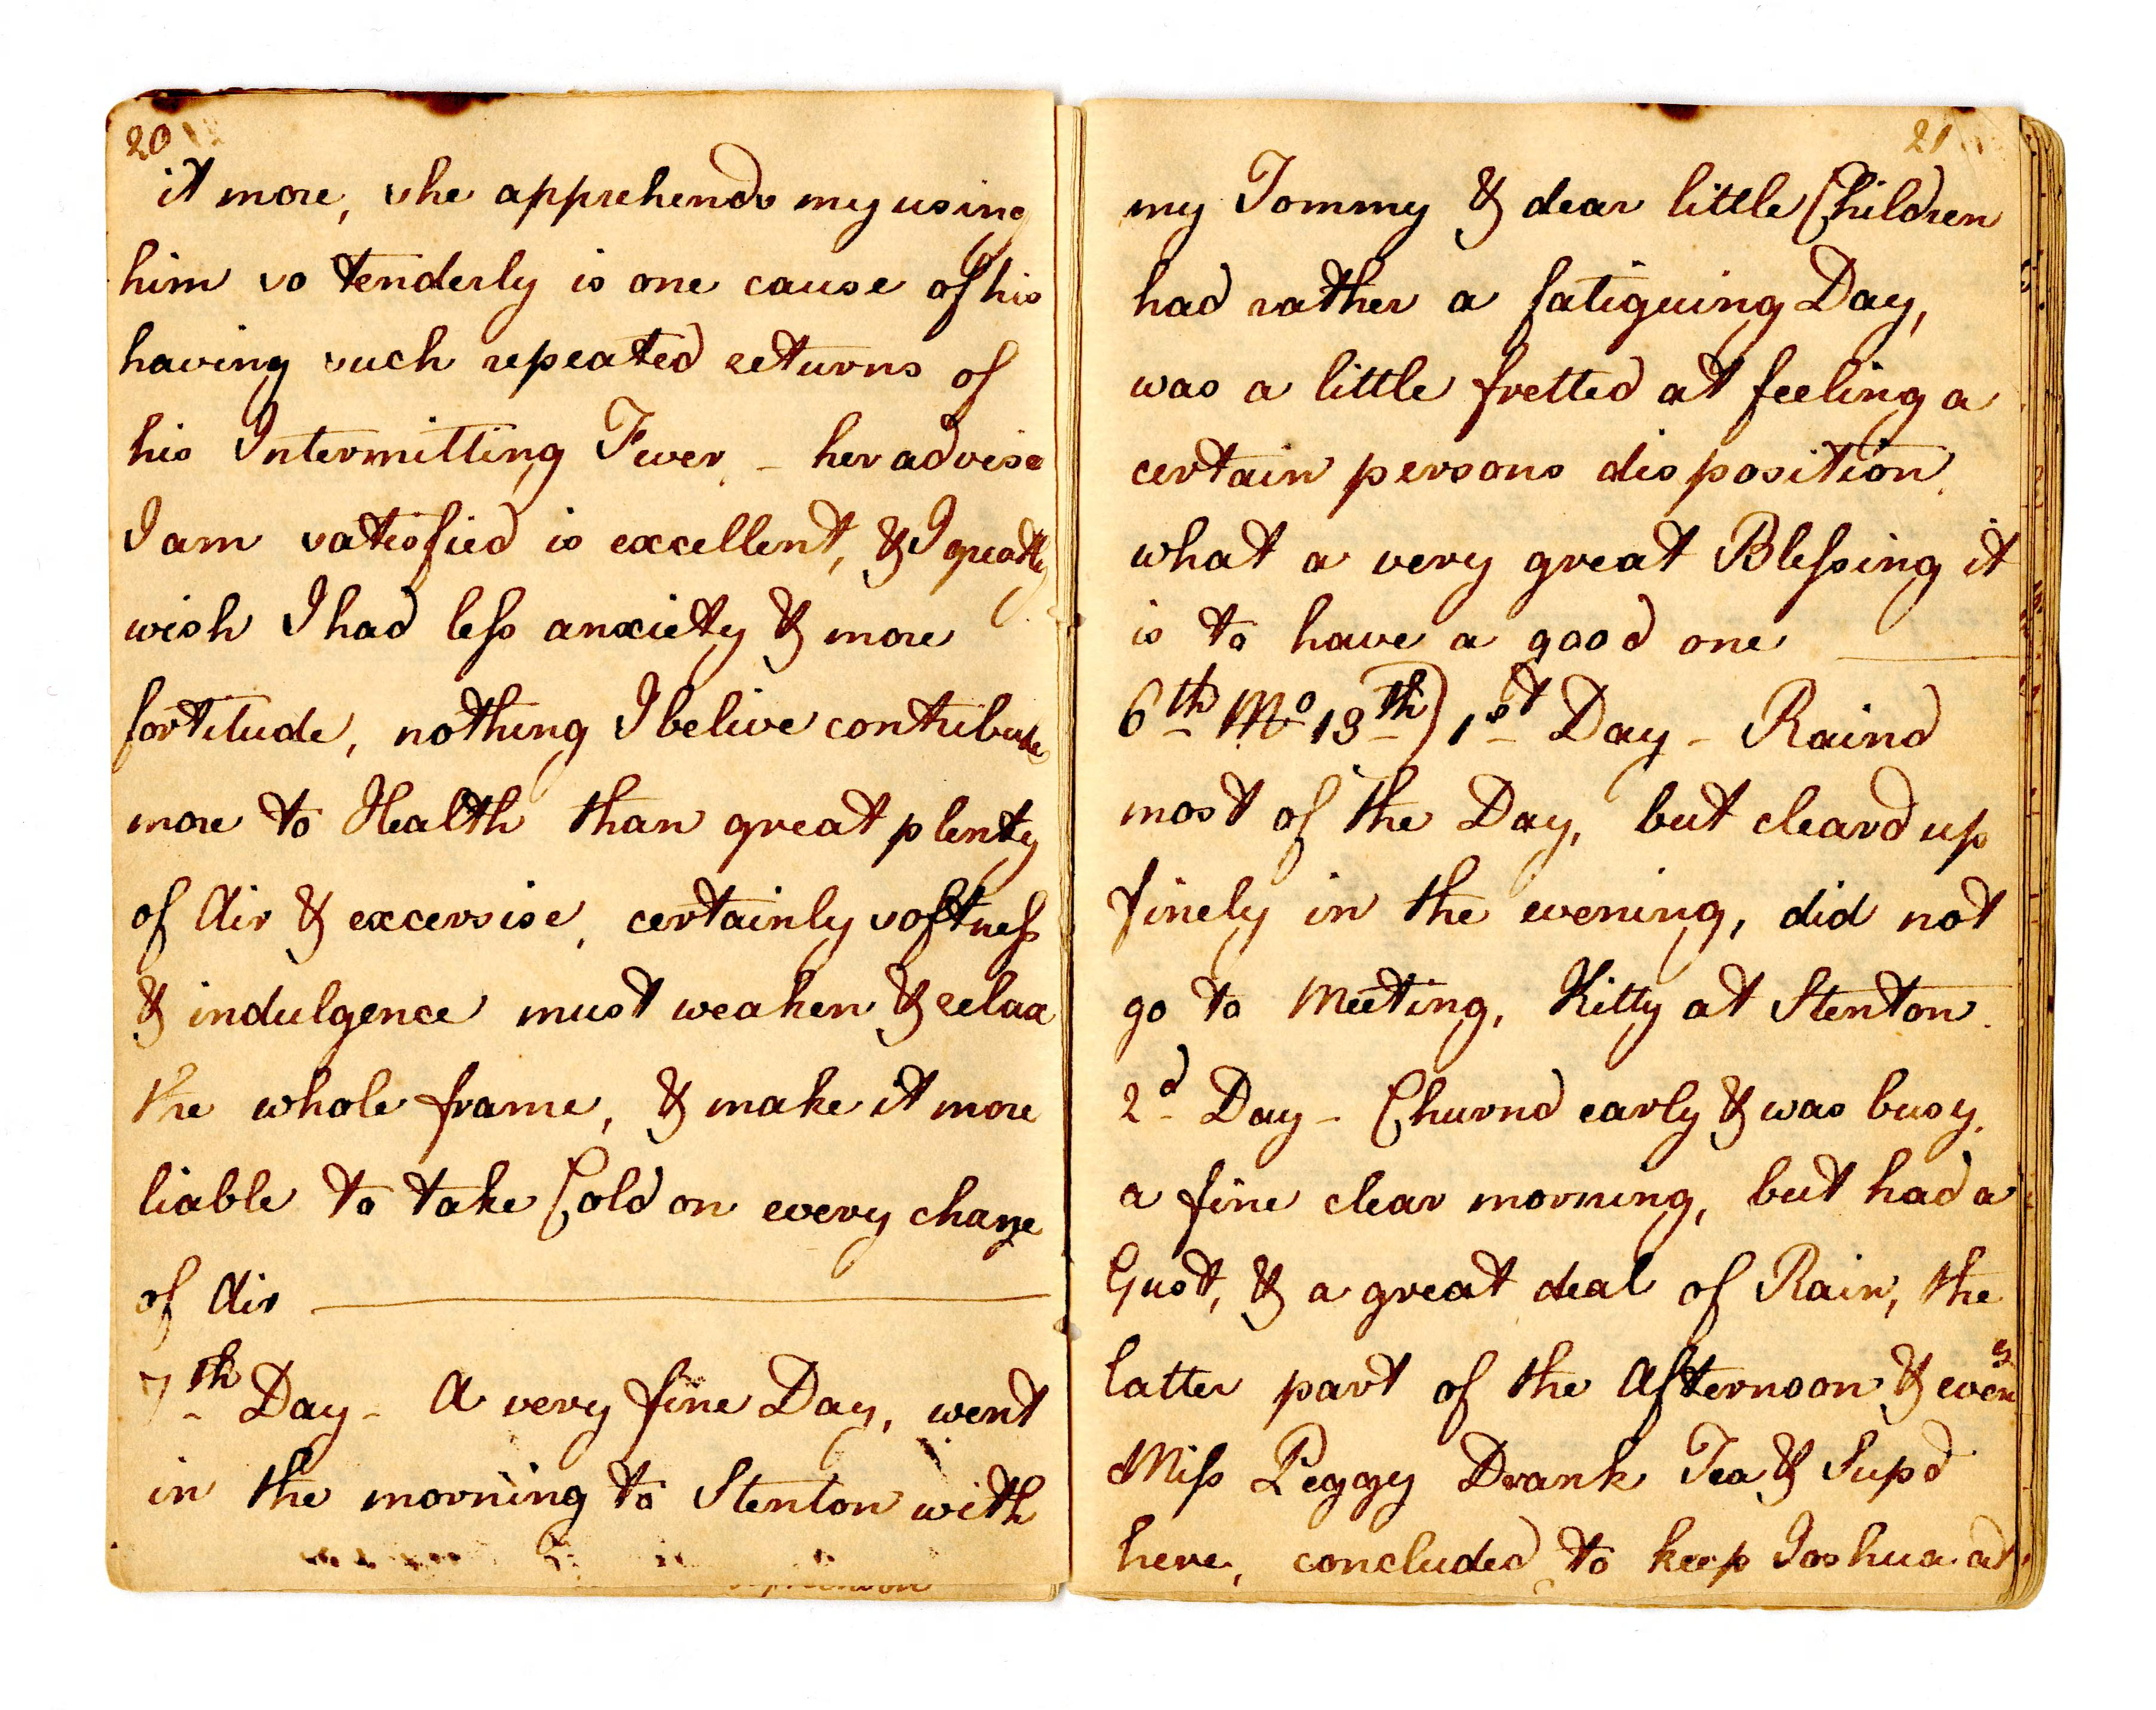20
it more, she apprehends my using
him so tenderly is one cause of his
having such repeated returns of
his Intermitting Fever- her advise
I am satisfied is excellent, & I greatly
wish I had less anxiety & more
fortitude, nothing I belive contribute
more to Health than great plenty
of Air & excersise, certainly softness
& indulgence must weaken & relax
the whole frame, & make it more
liable to take Cold on every change
of Air-
7^th Day- A very fine Day, went
in the morning to Stenton with
21
my Tommy & dear little Children
had rather a fatiguing Day,
was a little fretted at feeling a
certain persons disposition
what a very great Blessing it
is to have a good one
6^th M^o 13^th) 1^st Day- Raind
most of the Day, but cleard up
finely in the evening, did not
go to Meeting, Kitty at Stenton
2^d Day- Churned early & was busy,
a fine clear morning, but had a
Gust, & a great deal of Rain, the
g
latter part of the Afternoon & even
Miss Peggy Drank Tea & Supd
here, concluded to keep Joshua at